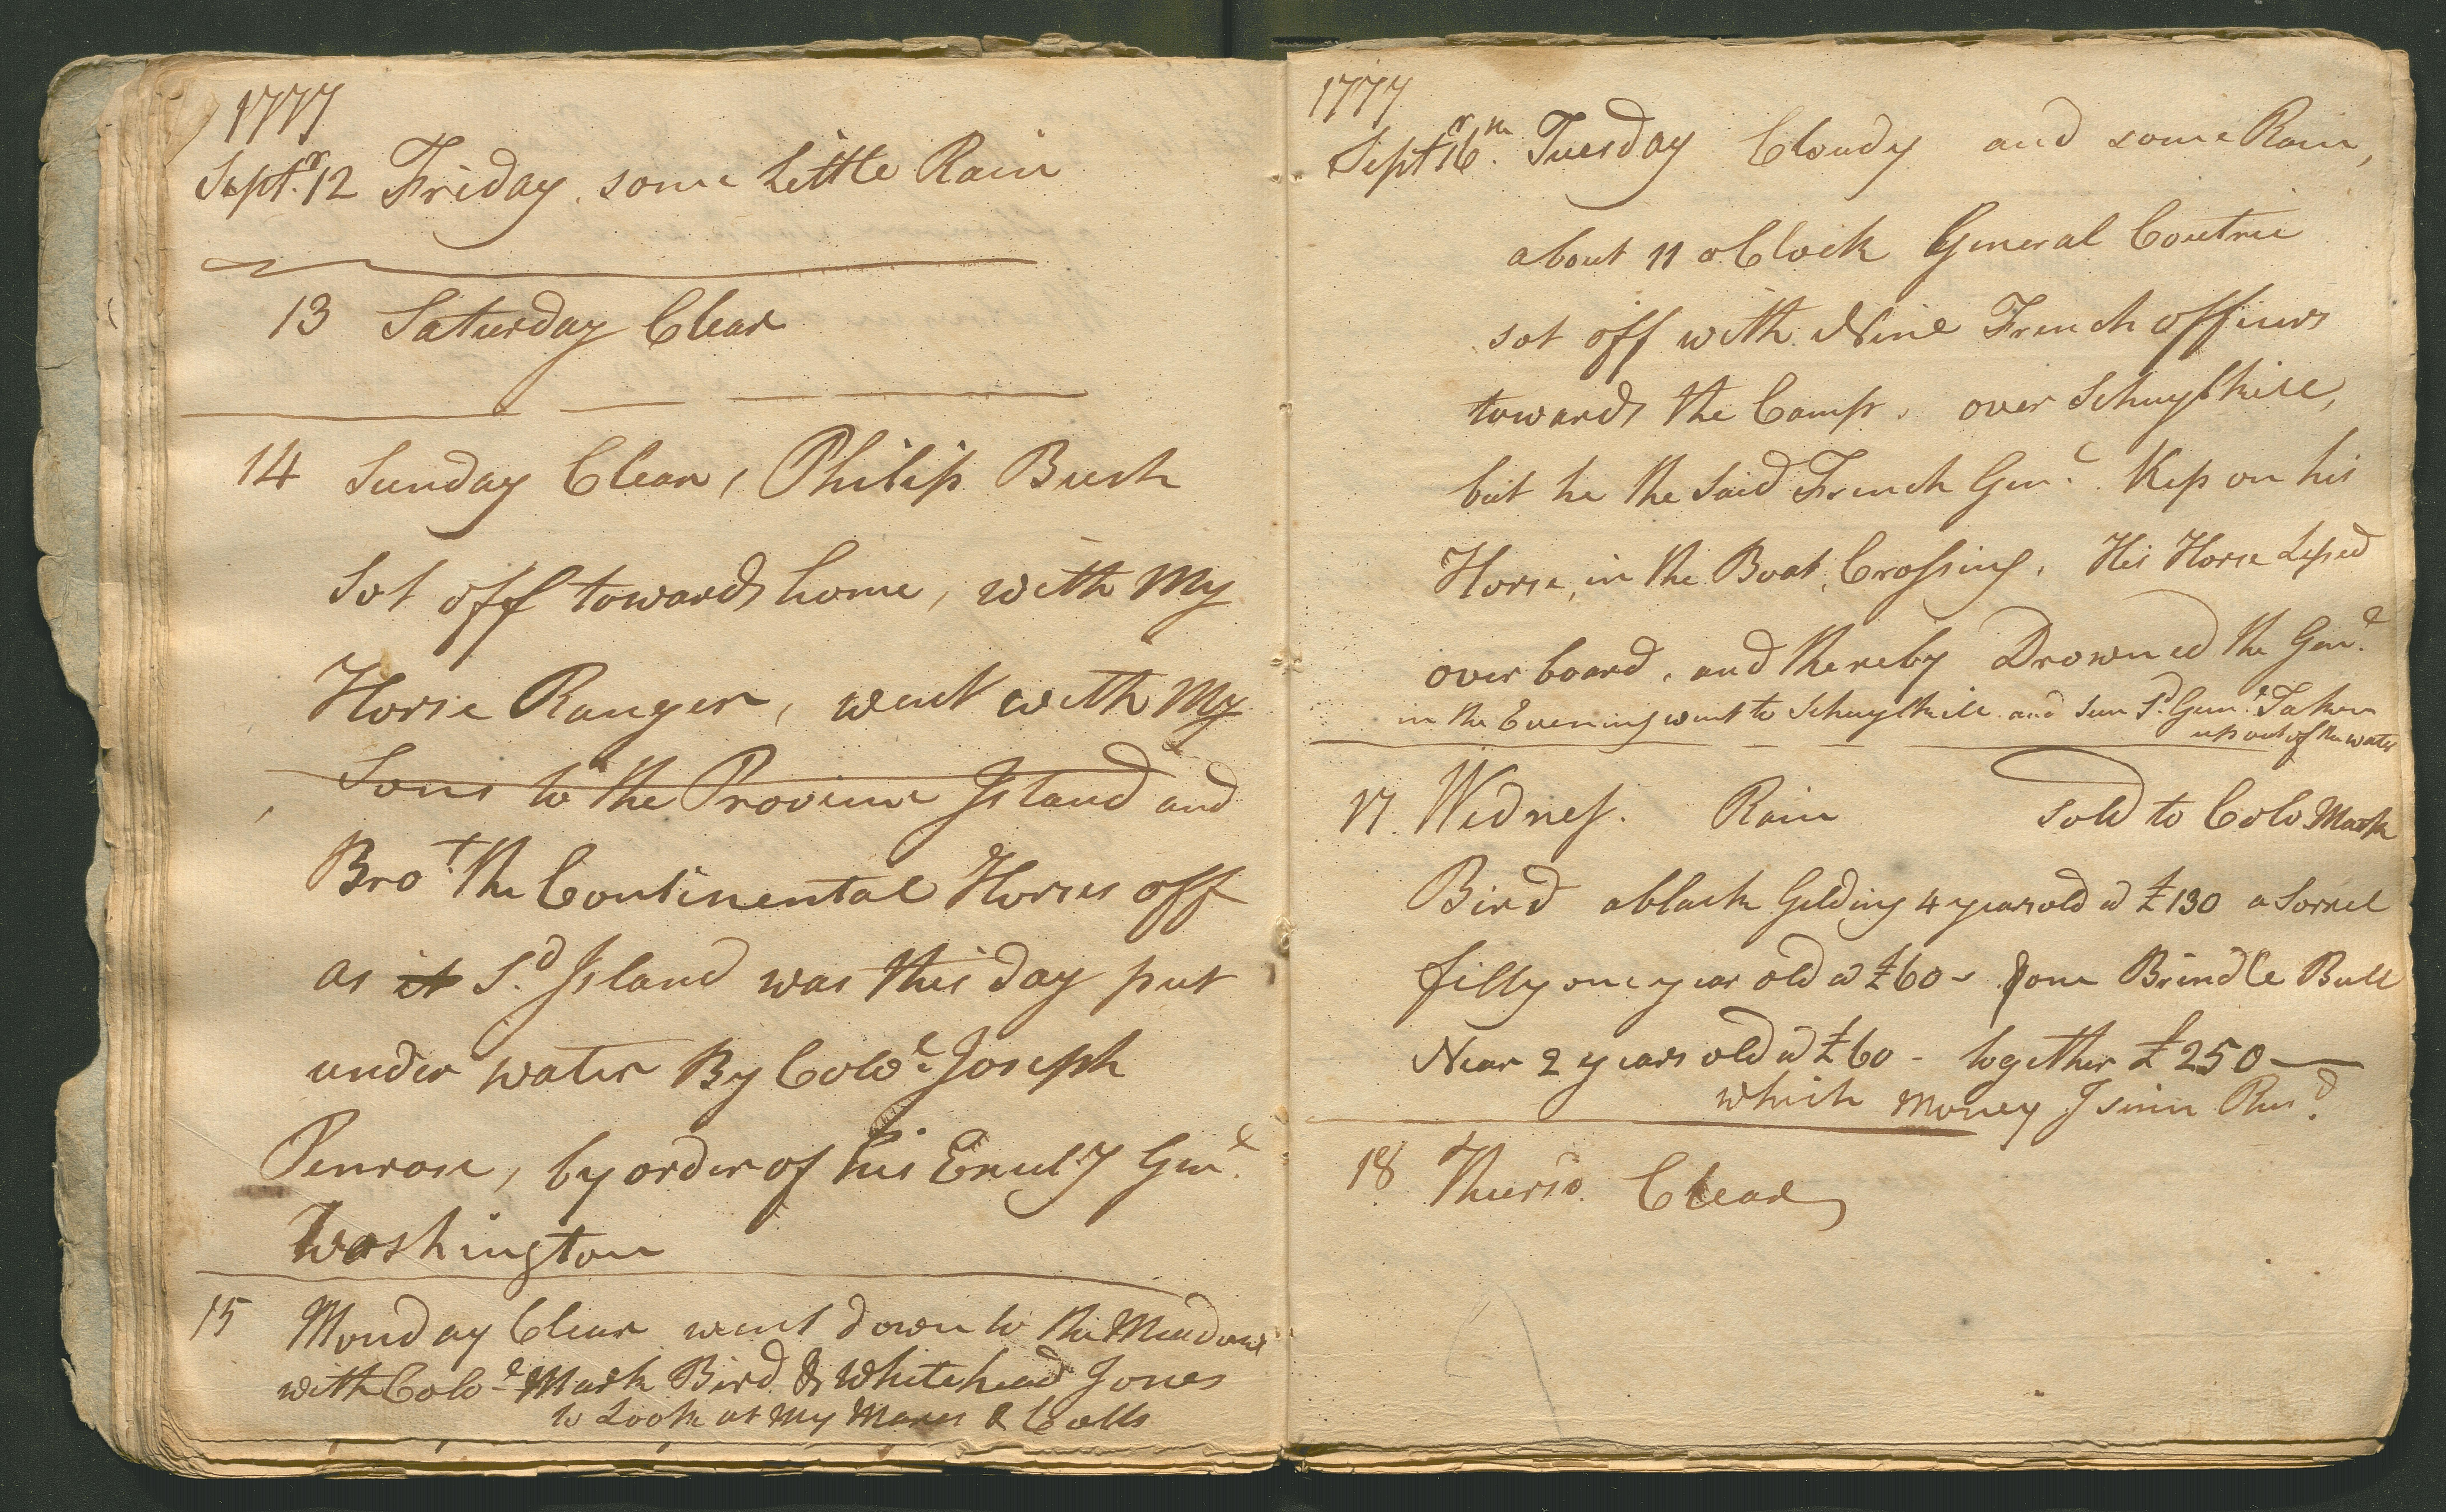1777
Sept^r. 12 Friday, some Little Rain
13 Saturday Clear
14 Sunday Clear, Philip Bush
Set off towards home, with My
Horse Ranger, went with My
sons to the Province Island and
Bro^t. the Continental Horses off
as [it] s^d. Island was this day put
under water By Colo^l. Joseph
Penrose, by order of his Excel^y. Gen^l.
Washington
15 Monday Clear went down to the Meadows
with Colo^l. Mark Bird & Whitehead Jones
to Look at My Mares & Calls
1777
Sept^r 16^th. Tuesday Cloudy and some Rain
about 11 oClock General Coutree
sot off with Nine French officers
towards the Camp, over Schuylkill,
but he the said French Gen^l. Kep on his
Horse, in the Boat Crossing. His Horse Leped
over board. and thereby Drowned the Gen^l.
in the Evening went to Schuylkill, and seen S^d. Gen^l. Taken
up out of the water
17. Wednes. Rain
sold to Colo. Mark
Bird a black Gelding 4 years old @ £130 a Sorrel
filly one year old @ £60 & one Brindle Bull
Near 2 years old @ £60- together £250-
which money I since Rec^d.
18 Thurs. Clear